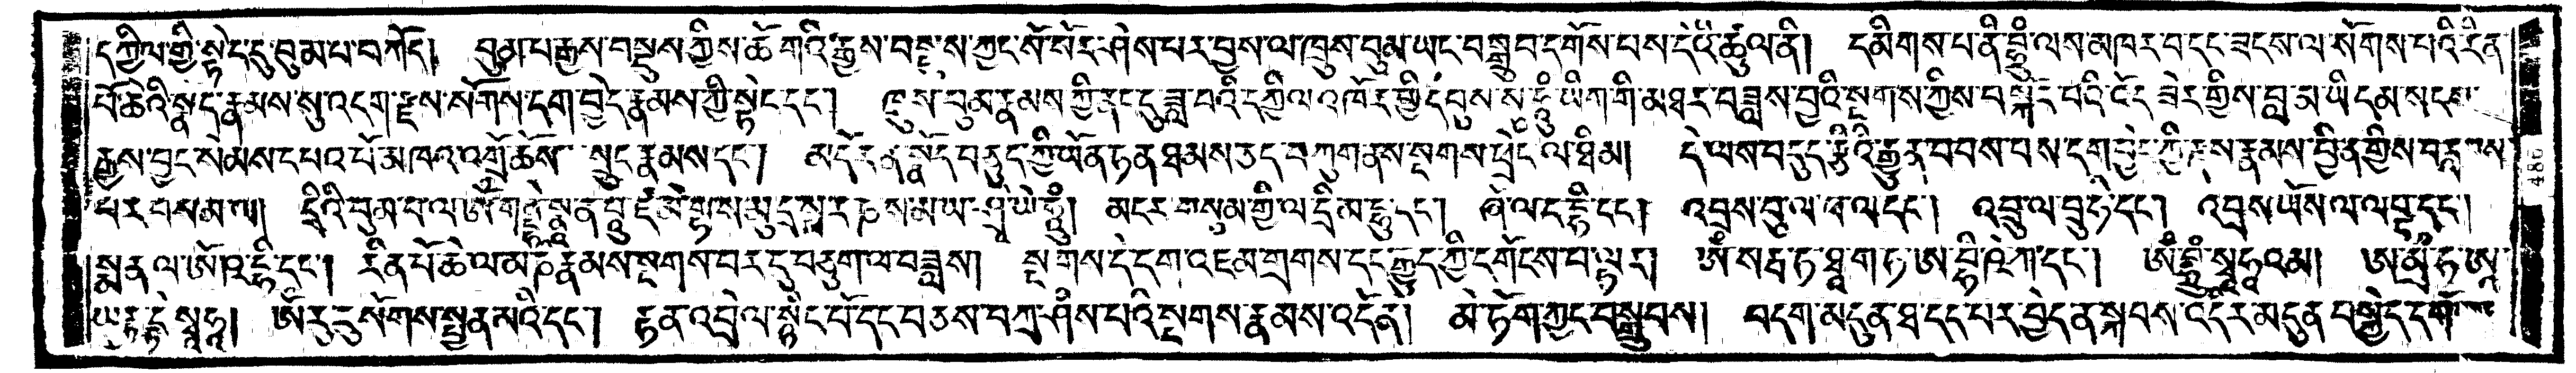དཀྱིལ་གྱི་སྟེང་དུ་བུམ་པ་བཀོད། བུམ་པ་རྒྱས་བསྡུས་ཀྱིས་ཆོ་གའི་རྒྱས་བསྡུས་ཀྱང་སོ་སོར་ཤེས་པར་བྱས་ལ་ཁྲུས་བུམ་ཡང་བསྒྲུབ་དགོས་པས་དེའི་ཚུལ་ནི། དམིགས་པ་ནཾ་བྷྲུཾ་ལས་མཁར་བ་དང་ཟངས་ལ་སོགས་པའི་རིན་
པོ་ཆེའི་སྣད་རྣམས་སུ་འགག་རྫས་སོགས་དག་བྱེད་རྣམས་ཀྱི་སྟེང་དང་། ཁྲུས་བུམ་རྣམས་ཀྱི་ནང་དུ་ཟླ་བའི་དཀྱིལ་འཁོར་གྱི་དབུས་སུ་ཧཱུཾ་ཡིག་གི་མཐར་བཟླས་བྱའི་སྔགས་ཀྱིས་བསྐོར་བའི་འོད་ཟེར་གྱིས་བླ་མ་ཡི་དམ་སངས་
རྒྱས་བྱང་སེམས་དཔའ་པོ་མཁའ་འགྲོ་ཆོས་སྲུང?་རྣམས་དང་། མདོར་ན་སྣོད་བཅུད་ཀྱི་ཡོན་ཏན་ཐམས་ཅད་བཀུག་ནས་སྔགས་ཕྲེང་ལ་ཐིམ། དེ་ལས་བདུད་རྩིའི་རྒྱུན་བབས་པས་དག་བྱེད་ཀྱི་རྗས་རྣམས་བྱིན་གྱིས་བརླབས?
པར་བསམ་ལ། དྲིའི་བུམ་པ་ལ་ཨོཾ་གནྡྷེ་སྣཱ་ན་པཱུ་ཛ་མེ་གྷ་ས་མུ་དྲ་སླ་ན་ཎ་ས་མ་ཡ་ཤརE་ཡེ་ཧཱུཾ། མངར་གསུམ་གྱི་ལ་དྲི་མ་དྷུ་དང་། ཞེ་ལང་དྷི་དང་། འབྲས་བུ་ལ་ཕ་ལ་དང་། འབྲུལ་བྲུ་ཧེ་དང་། འབྲས་ཡོས་ལ་ལཔྡ་དང་།
སྨན་ལ་ཨོ་ཥ་དྷི་དང་། རིན་པོ་ཆེ་ལ་མ་ཎ་རྣམས་སྔགས་བར་དུ་བཅུག་ལ་བཟླས། སྔགས་དེ་དག་འཇམ་གྲགས་དང་རྒྱུད་ཀྱི་དགོངས་པ་ལྟར། ཨོཾ་སརྦ་ཏ་ཐཱ་ག་ཏ་ཨ་བྷི་ཥེ་ཀ་དང་། ཨོཾ་བྷྲུ་སྭཱཧཱ་འམ། ཨ་མྲཾ་ཏ་ཨཱ་
ཡརྟ་དྟེ་སྭཱཧཱ། ཨོཾ་རུ་རུ་སོགས་སྤྱན་མའི་དང་། རྟེན་འབྲེལ་སྙིང་པོ་དང་བཅས་བཀྲ་ཤིས་པའི་སྔགས་རྣམས་འདོན། མེ་ཏོག་ཀྱང་བསྒྲུབས། བདག་མདུན་ཐ་དད་པར་བྱེད་ན་སྐབས་འདིར་མདུན་བསྐྱེད་དགོས?